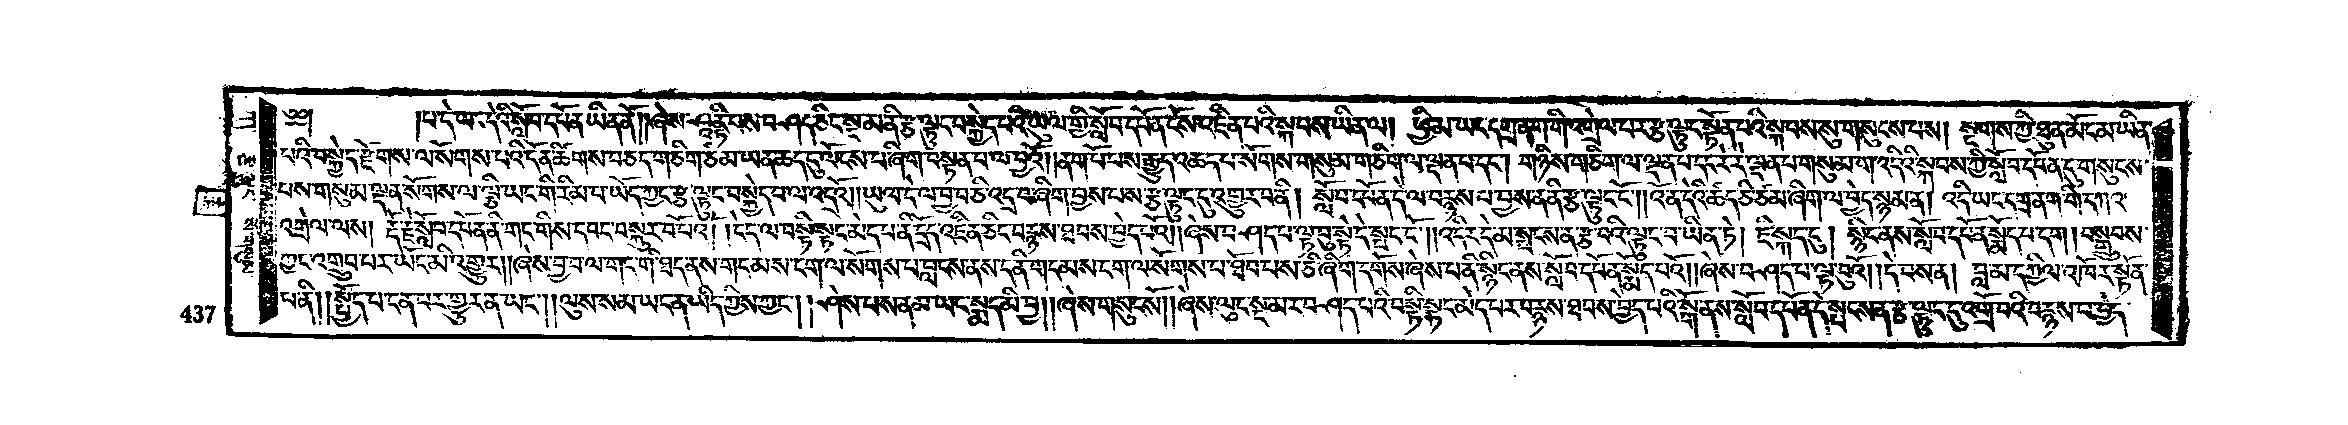༄༅། །པ་དེ་ཡང་དེའི་སློབ་དཔོན་ཡིན་ནོ། །ཞེས་ཤཱནྟི་པས་བཤད་ཅིང་སྔ་མ་ནི་རྩ་ལྟུང་བསྐྱེད་པའི་ཡུལ་གྱི་སློབ་དཔོན་ངོས་འཛིན་པའི་སྐབས་ཡིན་ལ། ཕྱི་མ་ཡང་དགྲ་ནག་གི་འགྲེལ་པར་རྩ་ལྟུང་སྟོན་པའི་སྐབས་སུ་གསུངས་པས། སྔགས་ཀྱི་ཐུན་མོང་མ་ཡིན་
པའི་བསྐྱེད་རྫོགས་ལ་སོགས་པའི་དོན་ཚིགས་བཅད་གཅིག་ཙམ་ཡན་ཆད་དུ་ལོངས་པ་ཞིག་བསྟན་པ་ལ་བྱའོ། །ནག་པོ་པས་རྒྱུད་འཆད་པ་སོགས་གསུམ་གཅིག་ལ་ལྡན་པ་དང་། གཉིས་གཅིག་ལ་ལྡན་པ་དང་རེ་རེ་ལྡན་པ་གསུམ་ག་འདིའི་སྐབས་ཀྱི་སློབ་དཔོན་དུ་གསུངས་
པས་གསུམ་ལྡན་སོགས་ལ་ལྕི་ཡང་གི་རིམ་པ་ཡོད་ཀྱང་རྩ་ལྟུང་བསྐྱེད་པ་ལ་འདྲའོ། །ཡུལ་དེ་ལ་བྱ་བ་ཅི་འདྲ་བ་ཞིག་བྱས་པས་རྩ་ལྟུང་དུ་འགྱུར་བ་ནི། སློབ་དཔོན་དེ་ལ་བརྙས་པ་བྱས་ན་ནི་རྩ་ལྟུང་ངོ། །འོ་ན་དེའི་ཚད་ཅི་ཙམ་ཞིག་ལ་བྱེད་སྙམ་ན། འདི་ཡང་དགྲ་ནག་གི་དཀའ་
འགྲེལ་ལས། རྡོ་རྗེ་སློབ་དཔོན་ནི་གང་གིས་དབང་བསྐུར་བ་པོའོ། །ངེད་ལ་བསྟི་སྟང་མེད་པ་ནི་དྲོད་འཛིན་ཅིང་བརྙས་ཐབས་བྱེད་པའོ། །ཞེས་བཤད་པ་ལྟ་བུ་སྟེ་དེ་སྤང་ངོ། །འདིར་དེ་མ་སྤངས་ན་རྩ་བའི་ལྟུང་བ་ཡིན་ཏེ། ཇི་སྐད་དུ། སྙིང་ནས་སློབ་དཔོན་སྨོད་པ་དག །བསྒྲུབས་
ཀྱང་འགྲུབ་པར་ཡོང་མི་འགྱུར། །ཞེས་བྱ་བ་ལ་གང་གི་ཐད་ནས་དེ་ནི་གདམས་ངག་ལ་སོགས་པ་ཐོབ་པས་ཅི་ཞིག་དགོས་ཞེས་པ་ནི་སྙིང་ནས་སློབ་དཔོན་སྨོད་པའོ། །ཞེས་བཤད་པ་ལྟ་བུའོ། །དེ་བས་ན། བླ་མ་དཀྱིལ་འཁོར་སྟོན་
པ་ནི། །སྤྱོད་པ་ངན་པར་གྱུར་ན་ཡང་། །ལུས་སམ་ཡང་ན་ཡིད་ཀྱིས་ཀྱང་། །ཤེས་པས་ནམ་ཡང་སྨད་མི་བྱ། །ཞེས་གསུངས་སོ། །ཞེས་ལུང་སྔ་མར་བཤད་པའི་བསྟི་སྟང་མེད་པར་བརྙས་ཐབས་བྱེད་པའི་སྒོ་ནས་སློབ་དཔོན་དེ་སྤངས་ན་རྩ་ལྟུང་དུ་འགྲོ་བའི་བརྙས་པ་བྱེད་